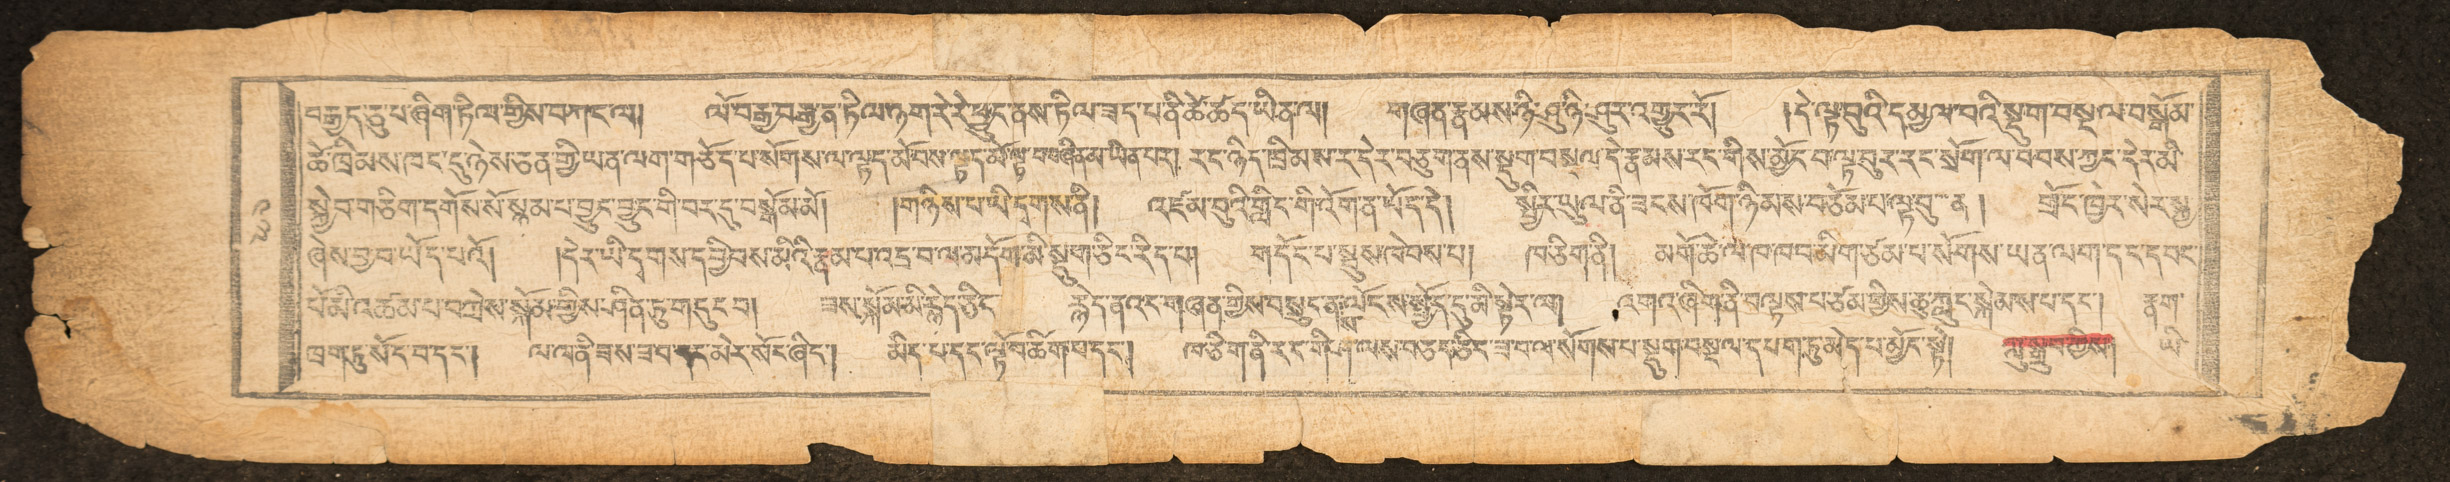བརྒྱད་ཅུ་པ་ཞིག་ཏིལ་གྱིས་བཀང་ལ། ལོ་བརྒྱ་བརྒྱ་ན་ཏིལ་ཉག་རེ་རེ་ཕྱུང་ནས་ཏིལ་ཟད་པ་ནི་ཚེ་ཚད་ཡིན་ལ། གཞན་རྣམས་ཉི་ཤུ་ཉི་ཤུར་འགྱུར་རོ། །དེ་ལྟ་བུའི་དམྱལ་བའི་སྡུག་བསྔལ་བསྒོམ་
ཚེ་ཁྲིམས་ཁང་དུ་ཉེས་ཅན་གྱི་ཡན་ལག་གཅོད་པ་སོགས་ལ་ལྟད་མོ་བས་ལྟད་མོ་ལྟ་བ་བཞིན་ཡིན་པར། རང་ཉིད་ཁྲིམས་ར་དེར་བཅུག་ནས་སྡུག་བསྔལ་དེ་རྣམས་རང་གིས་མྱོང་བ་ལྟ་བུར་རང་སྲོག་ལ་བབས་ཀྱང་དེར་མི?
སྐྱེ་བ་གཅིག་དགོས་སོ་སྙམ་པ་བྱུང་བྱུང་གི་བར་དུ་བསྒོམ་མོ། །གཉིས་པ་ཡི་དྭགས་ནི། འཛམ་བུའི་གླིང་གི་འོག་ན་ཡོད་དེ། སྤྱིར་ཡུལ་ནི་ཟངས་ཁོག་ཉི་མས་བཅོམ་པ་ལྟ་བུ་ན། གྲོང་ཁྱེར་སེར་སྐྱེ་
ཞེས་བྱ་བ་ཡོད་པའོ། །དེར་ཡི་དྭགས་དབྱིབས་མིའི་རྣམ་པ་འདྲ་བ་ལ་མདོག་མི་སྡུག་ཅིང་རིད་པ། གདོང་པ་སྤུས་ཁེབས་པ། ཁ་ཅིག་ནི། མགོ་ཚེ་ལ་ཁ་ཁབ་མིག་ཙམ་པ་སོགས་ཡན་ལག་དང་དབང་
པོ་མི་འཚམ་པ་བཀྲེས་སྐོམ་གྱིས་ཤིན་ཏུ་གདུང་བ། ཟས་སྐོམ་མི་རྙེད་ཅིང་། རྙེད་ནའང་གཞན་གྱིས་བསྲུང་ནས་ལོངས་སྤྱོད་དུ་མི་སྟེར་ལ། འགའ་ཞིག་ནི་བལྟས་པ་ཙམ་གྱིས་ཆུ་ཀླུང་སྐེམས་པ་དང་། རྣག་
ཁྲག་ཏུ་སོང་བ་དང་། ལ་ལ་ནི་ཐས་ཟ་བ་དང་མེར་སོང་ཞིང་། མིད་པ་དང་ལྟོ་བ་ཚིག་པ་དང་། ཁ་ཅིག་ནི་རང་གི་ཤ་ལས་བཅད་ཅིང་ཟ་བ་ལ་སོགས་པ་སྡུག་བསྔལ་དཔག་ཏུ་མེད་པ་མྱོང་སྟེ། ཀླུ་སྒྲུབ་ཀྱིས། ཡི་